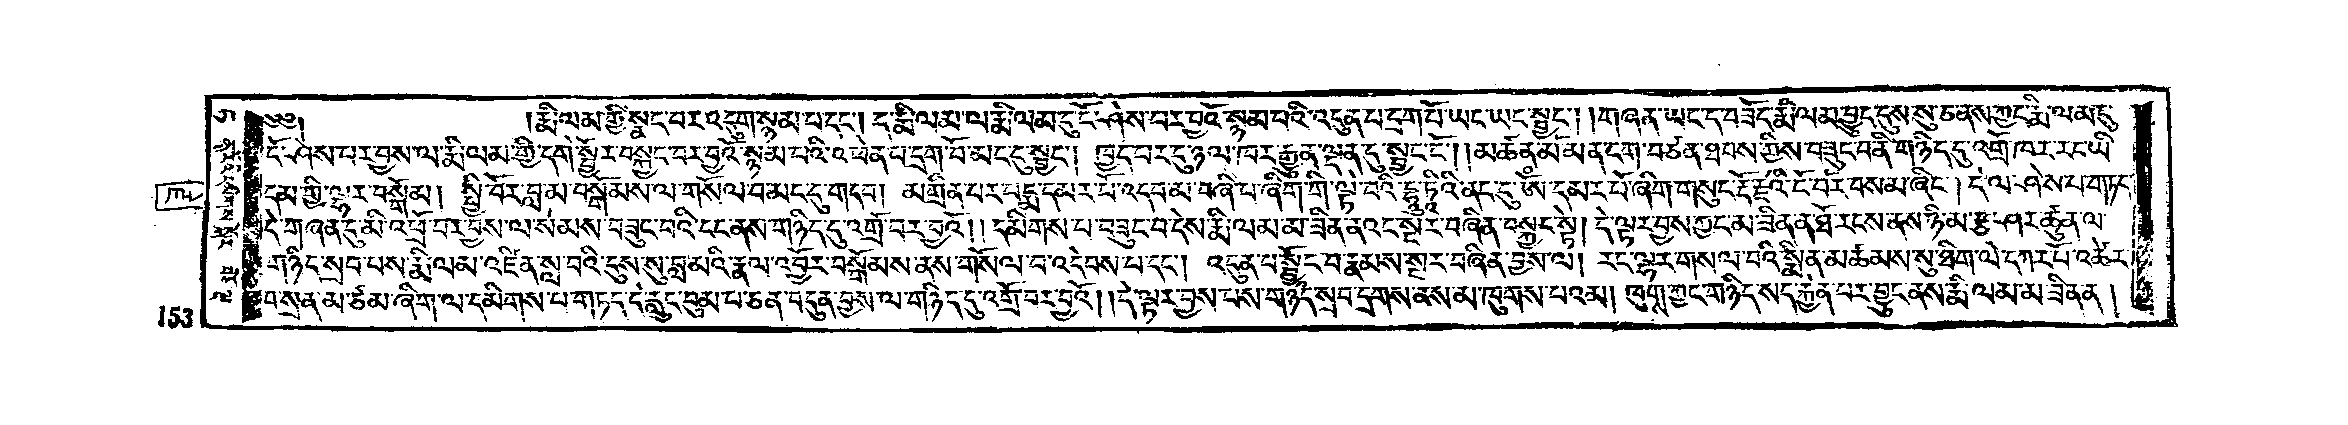༄༅། །རྨི་ལམ་གྱི་སྣང་བར་འདུག་སྙམ་པ་དང་། ད་རྨི་ལམ་ལ་རྨི་ལམ་དུ་ངོ་ཤེས་པར་བྱའོ་སྙམ་པའི་འདུན་པ་དྲག་པོ་ཡང་ཡང་སྦྱང་། །གཞན་ཡང་ད་བཟོད་རྨི་ལམ་བྱུང་དུས་སུ་ཅི་ནས་ཀྱང་རྨི་ལམ་དུ་
ངོ་ཤེས་པར་བྱས་ལ་རྨི་ལམ་གྱི་དགེ་སྦྱོར་བསྐྱང་བར་བྱའོ་སྙམ་པའི་འཕེན་པ་དྲག་བོ་མང་དུ་སྦྱང་། ཁྱད་པར་དུ་ཉལ་ཁར་རྒྱུན་ལྡན་དུ་སྦྱང་ངོ། །མཚན་མོ་མན་ངག་བཅན་ཐབས་ཀྱིས་བཟུང་བ་ནི་གཉིད་དུ་འགྲོ་ཁར་རང་ཡི་
དམ་གྱི་ལྷར་བསྒོམ། སྤྱི་བོར་བླ་མ་བསྒོམས་ལ་གསོལ་བ་མང་དུ་གདབ། མགྲིན་པར་པདམ་དམར་པོ་འདབ་མ་བཞི་པ་ཞིག་གི་ལྟེ་བའི་དྷཱུ་ཏཱིའི་ནང་དུ་ཨོཾ་དམར་པོ་ཞིག་གསུང་རྡོ་རྗེའི་ངོ་བོར་བསམ་ཞིང་། དེ་ལ་ཤེས་པ་གཏད་
དེ་གཞན་དུ་མི་འཕྲོ་བར་བྱས་ལ་སེམས་བཟུང་བའི་ངང་ནས་གཉིད་དུ་འགྲོ་བར་བྱའོ། །དམིགས་པ་བཟུང་བ་དེས་རྨི་ལམ་མ་ཟིན་ནའང་སྔར་བཞིན་བསྐྱང་སྟེ། དེ་ལྟར་བྱས་ཀྱང་མ་ཟིན་ན་ཐོ་རངས་ནས་ཉི་མ་རྩེ་ཤར་ཚུན་ལ་
གཉིད་སྲབ་པས་རྨི་ལམ་འཛིན་སླ་བའི་དུས་སུ་བླ་མའི་རྣལ་འབྱོར་བསྒོམས་ནས་གསོལ་བ་འདེབས་པ་དང་། འདུན་པ་སྦྱོང་བ་རྣམས་སྔར་བཞིན་བྱས་ལ། རང་ལྷར་གསལ་བའི་སྨིན་མཚམས་སུ་ཐིག་ལེ་དཀར་པོ་འཚེར་
བ་སྲན་མོ་ཙམ་ཞིག་ལ་དམིགས་པ་གཏད་དེ་རླུང་བུམ་པ་ཅན་བདུན་བྱས་ལ་གཉིད་དུ་འགྲོ་བར་བྱའོ། །དེ་ལྟར་བྱས་པས་གཉིད་སྲབ་དྲགས་ནས་མ་ཁུགས་པའམ། ཁུགས་ཀྱང་གཉིད་སད་རྐྱེན་པར་བྱུང་ནས་རྨི་ལམ་མ་ཟིན་ན།